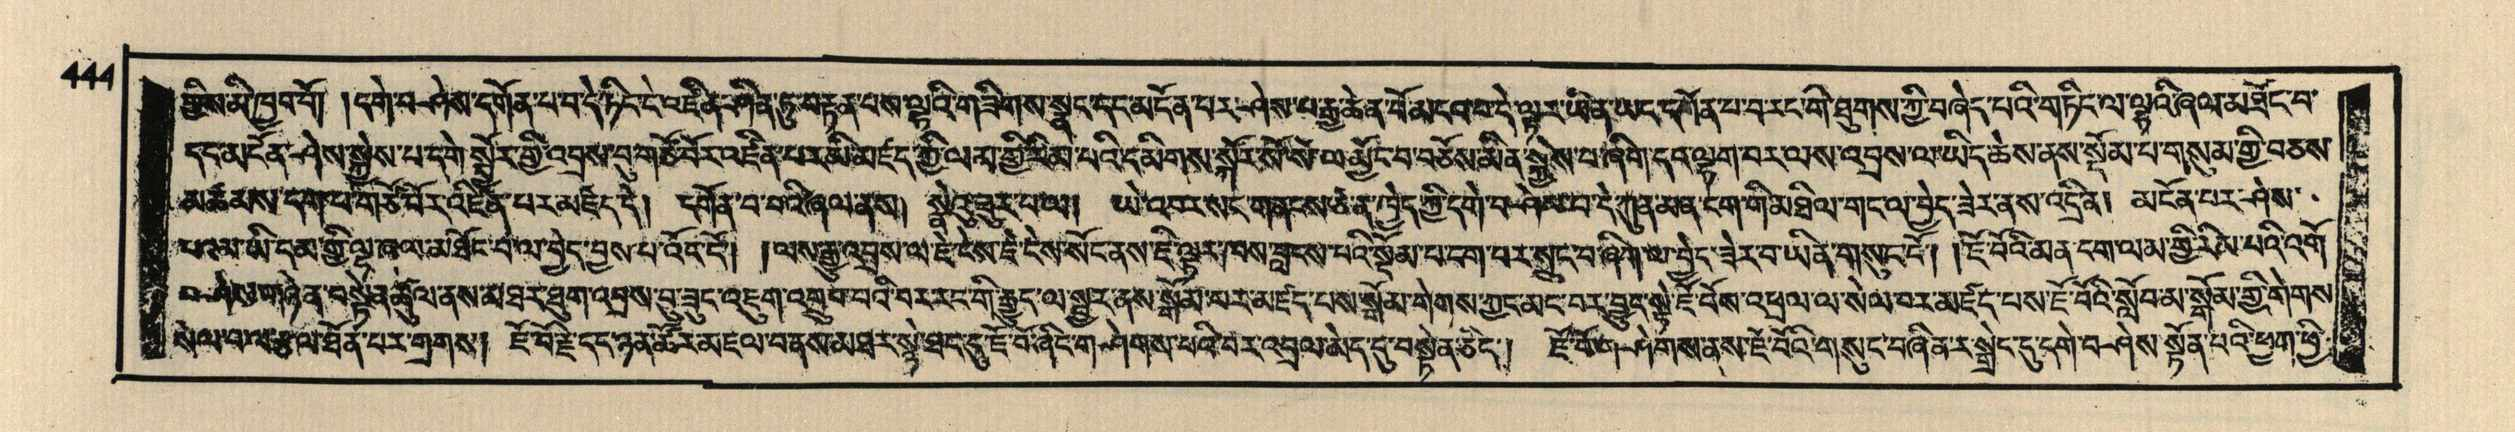གྱིས་མི་ཁྱབ་བོ། །དགེ་བཤེས་དགོན་པ་བ་དེ་ཏིང་ངེ་འཛིན་ཤིན་ཏུ་བརྟན་པས་ལྷའི་གཟིགས་སྣང་དང་མངོན་པར་ཤེས་པ་རྒྱ་ཆེན་པོ་མངའ་བདེ་ལྟར་ཡིན་ཡང་དགོན་པ་བ་རང་གི་ཐུགས་ཀྱི་བཞེད་པའི་གཏིང་ལ་ལྷའི་ཞལ་མཐོང་བ་
དང་མངོན་ཤེས་སྐྱེས་པ་དགེ་སྦྱོར་གྱི་འབྲས་བུ་གཙོ་བོར་འཛིན་པར་མི་མཛད་ཀྱི་ལམ་གྱི་རིམ་པའི་དམིགས་སྐོར་སོ་སོ་ལ་མྱོང་བ་བཅོས་མིན་སྐྱེས་པ་ཞིག་དབ་ལྷག་བར་ལས་འབྲས་ལ་ཡིད་ཆེས་ནས་སྡོམ་པ་གསུམ་གྱི་བཅས་
མཚམས་དག་པ་གཙོ་བོར་འཛིན་པར་མཛད་དེ། དགོན་བ་བའི་ཞལ་ནས། སྣེའུ་ཟུར་པ་ལ། ཡེ་འབར་སང་ནས་ཙ་ན་ཁྱེད་ཀྱི་དགེ་བ་ཤེས་པ་དེ་ཀུན་མན་ངག་གི་མཐིལ་གང་ལ་བྱེད་ཟེར་ནས་འདྲི་ན། མངོན་པར་ཤེས་
པའམ་ཡི་དམ་གྱི་ལྷ་ཞལ་མཐོང་བ་ལ་བྱེད་བྱས་པ་འོང་ངོ། །ལས་རྒྱུ་འབྲས་ལ་རྗེ་ངེས་རྗེ་ངེས་སོང་ནས་ཇི་ལྟར་ཁས་བླངས་པའི་སྡོམ་པ་ངག་བར་སྲུང་བ་ཞིག་ལ་བྱེད་ཟེར་བ་ཡིན་གསུང་ངོ། །ཇོ་བོའི་མན་ངག་ལམ་གྱི་རིམ་པའི་འགོ་
བཤེས་གཉེན་བསྟེན་ཚུལ་ནས་མཐར་ཐུག་འབྲས་བུ་ཟུང་འཇུག་འགྲུབ་པའི་བར་རང་གི་རྒྱུད་ལ་སྦྱར་ནས་སྒོམ་བར་མཛད་པས་སྒོམ་གེགས་ཀྱང་མང་བར་བྱུང་སྟེ་ཇོ་བོས་འཕྲལ་ལ་སེལ་བར་མཛད་པས་ཇོ་བོའི་སློབ་མ་སྒོམ་གྱི་གེགས་
སེལ་བ་ལ་རྩལ་ཐོན་པར་གྲགས། ཇོ་བོ་རྗེ་དང་ཉན་ཚོར་མཇལ་བ་ནས་མཐར་སྙེ་ཐང་དུ་ཇོ་བོ་ཞིང་གཤེགས་པའི་བར་འབྲལ་མེད་དུ་བསྟེན་ཅིང་། ཇོ་བོ་གཤེགས་ནས་ཇོ་བོའི་གསུང་བཞིན་ར་སྒྲེང་དུ་དགེ་བཤེས་སྟོན་པའི་ཕྱག་ཕྱི་